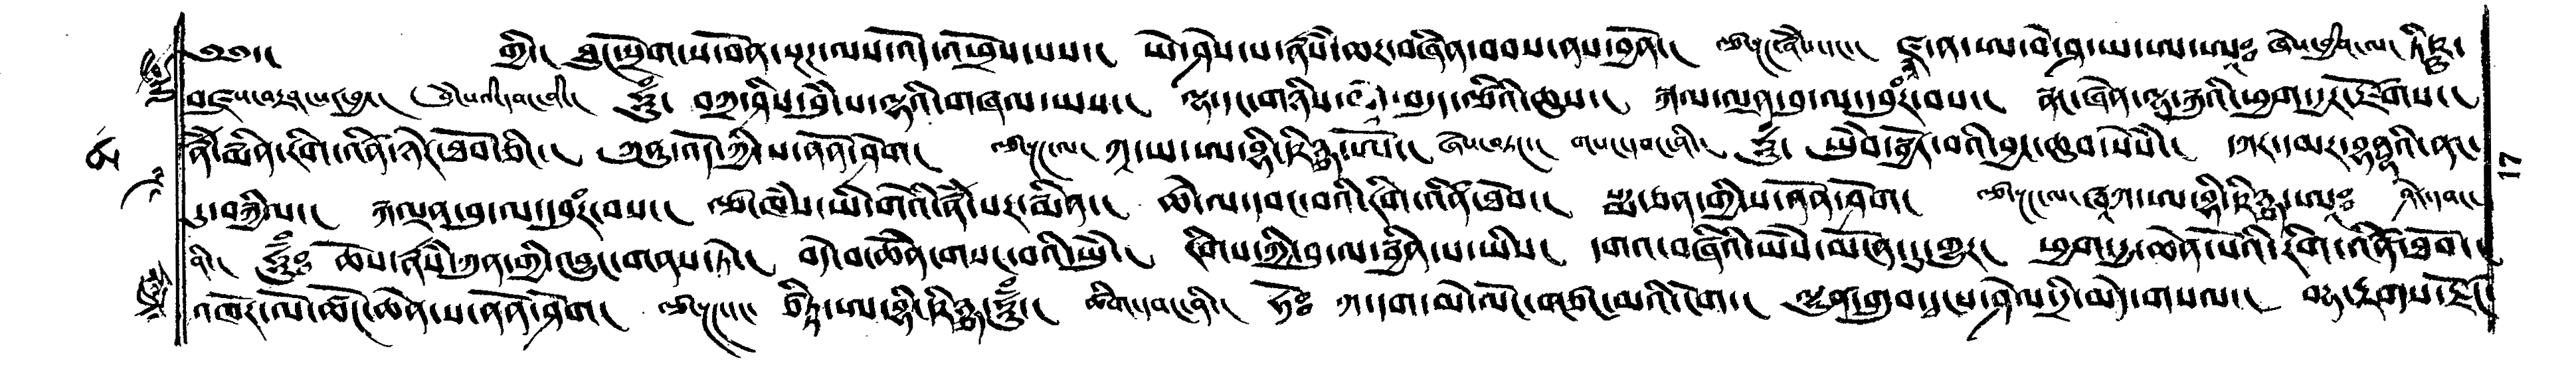གྱི། །ཐུགས་སྲོག་ས་བོན་སྔགས་ལས་འོད་འཕྲོས་པས། །ཡེ་ཤེས་པ་རྣམས་ཆར་བཞིན་བབས་ནས་བྱོན། །རྩ་སྔགས་རྣམས་དང་། ཛྙཱ་ན་ཨ་བེ་ཤ་ཡ་ཨ་ཨཱཿ ཞེས་བྱིན་དབབ། ཏིཥྛ་
བཛྲས་བརྟན་པར་བྱ། བུམ་པའི་དབང་ནི། ཧཱུྃ། བཀྲ་ཤིས་བུམ་པ་ལྷའི་གཞལ་ཡས། །ལྷ་དང་གཉིས་མེད་བདུད་རྩིའི་ཆུས། །སྐལ་ལྡན་བུ་ལ་དབང་སྐུར་བས། །སྣང་ཞེན་ལྷ་སྐུའི་ཕྱག་རྒྱར་རྫོགས། །
རྣམ་སྨིན་རིག་འཛིན་ཉེར་ཐོབ་ཅིང་། །ཀུན་ཏུ་འོད་ཀྱི་ས་ནོན་ཤོག །རྩ་སྔགས་ལ། ཀཱ་ཡ་ཨ་བྷི་རིཉྩ་ཨོཾ། ཞེས་བཏགས། གསང་དབང་ནི། ཧཱུྃ། ཡབ་ཡུམ་སྦྱོར་བའི་བྱང་ཆུབ་སེམས། །དཀར་དམར་བྷནྡྷའི་ནང་
དུ་བསྐྱིལ། །སྐལ་ལྡན་བུ་ལ་དབང་སྐུར་བས། །རྩ་ཁམས་ཡི་གེའི་རྣམ་པར་སྨིན། །ཚེ་ལ་དབང་བའི་རིག་འཛིན་ཐོབ། །པདྨ་ཅན་གྱི་ས་ནོན་ཤོག རྩ་སྔགས་ལ། ཝཱཀྐ་ཨ་བྷི་རིཉྩ་ཨཱཿ ཤེར་དབང་
ནི། ཧཱུྃ། ཆོས་རྣམས་ཀུན་གྱི་འབྱུང་གནས་ཏེ། །བདེ་བ་ཆེན་པོ་གསང་བའི་ཡུམ། །རིགས་ཀྱི་བུ་ལ་སྦྱིན་པ་ཡིས། །དགའ་བཞིའི་ཡེ་ཤེས་མངོན་དུ་གྱུར། །ཕྱག་རྒྱ་ཆེན་པོའི་རིག་འཛིན་ཐོབ། །
འཁོར་ལོ་ཚོགས་ཆེན་ས་ནོན་ཤོགརྩ་སྔགས་དང་། ཙིཏྟ་ཨ་བྷི་རིཉྩ་ཧཱུྃ། ཚིག་དབང་ནི། ཧོ། ཀ་དག་མེ་ལོང་གཙང་མའི་ངོགས། །ལྷུན་གྲུབ་དྭངས་ཤེལ་དྲི་མེད་གསལ། །བརྡ་རྟགས་རྫོགས་